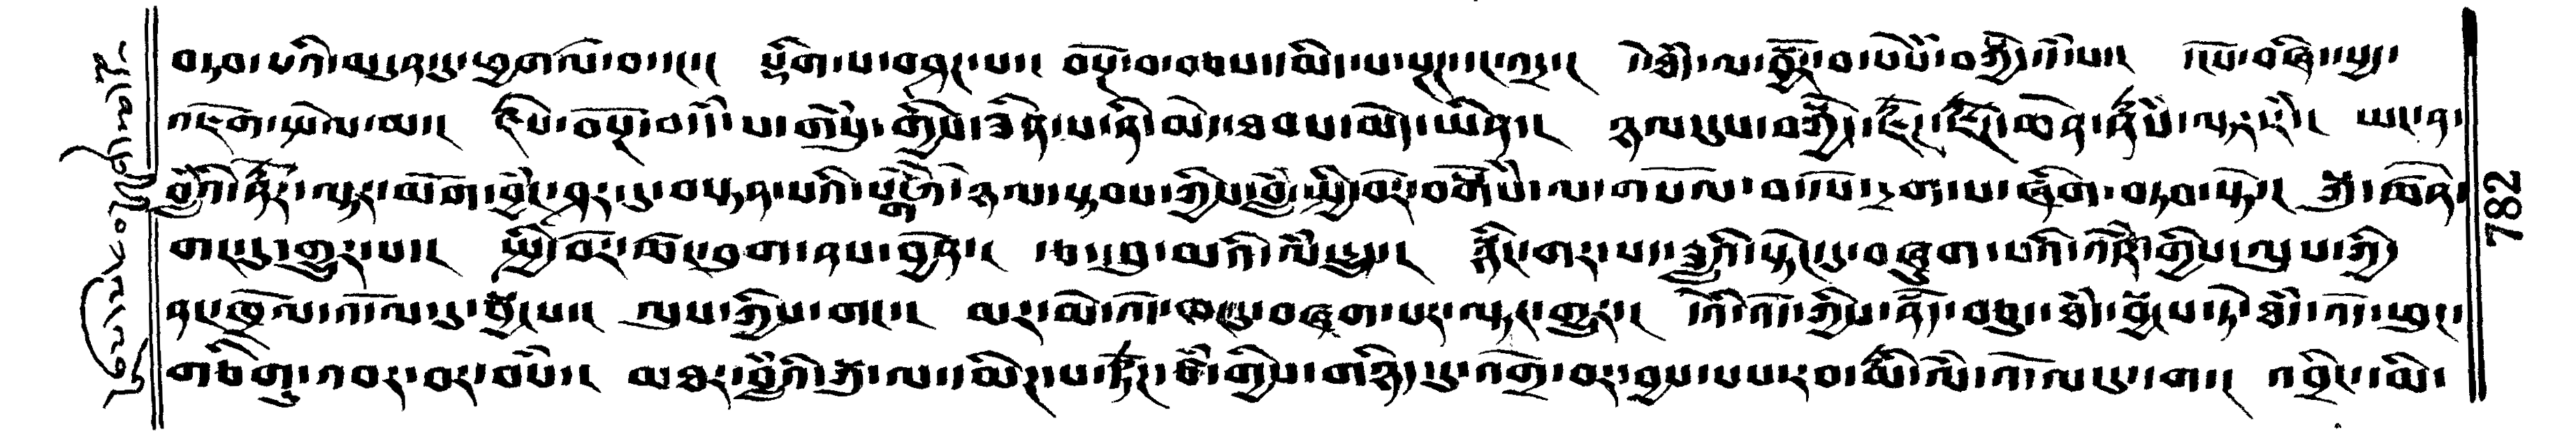བཏབ་པའི་མདུན་དུ་ཕྱག་འཚལ་བ་དང་། སྡིག་པ་བཤགས་པ། བསྔོ་བ་བཅས་དམིགས་པ་སྔར་དང་འདྲ། དེ་ཐམས་ཅད་ལ་སྦྱོར་བ་སེམས་བསྐྱེད་དམ་པ། དངོས་བཞི་དཔྱད་
འཇོག་སྤེལ་མ། རྗེས་བསྔོ་བ་དམ་པ་གསུམ་གྱིས་ཟིན་པ་ནི་མེད་ཐབས་མེད་ཡིན། ཉལ་དུས་བསྐྱེད་རྫོགས་རྫོགས་ཆེན་རྣམས་ལྟར་རམ། ཡང་ན་
བླ་མའི་རྣལ་འབྱོར་ལྟར་མགོ་བྱང་ཤར་དུ་བསྟན་པའི་སེངྒེ་ཉལ་སྟབས་ཀྱིས་བླ་མ་སྤྱི་བོར་སྒོམ་ལ་གསོལ་བ་དོས་དྲག་པ་ཞིག་བཏབ་ཏེ། སྐུ་ཚོན་
གང་དུ་གྱུར་པ། སྤྱི་བོའི་ཚངས་བུག་ནས་བྱོན། རྩ་དབུ་མའི་ལམ་རྒྱུད། སྙིང་གར་པད་ཟླའི་སྟེང་དུ་བཞུགས་པའི་འོད་ཟེར་གྱིས་ལུས་ཀྱི་
ནང་ཁྲོལ་འོད་གསལ་དུ་སྦྱངས།ལུས་ཕྱི་ནང་མར་མེ་འོད་ཁང་དུ་བཞག་པར་ལྟར་གྱུར། དེའི་འོད་ཀྱིས་སྣོད་བཅུ་ཐམས་ཅད་སྦྱངས་ཏེ་ཐམས་ཅད་འོད་ཕུང་
གཅིག་ཏུ་འབར་བར་བསམ། མཐར་བླ་མའི་སྐུ་ལ་དམིགས་པ་གཏད་ཙམ་གྱིས་གཉིད་དུ་འགྲོ་བར་བྱས་པས་རབ་རྨི་ལམ་འོད་གསལ་དུ་དག འབྲིང་རྨི་